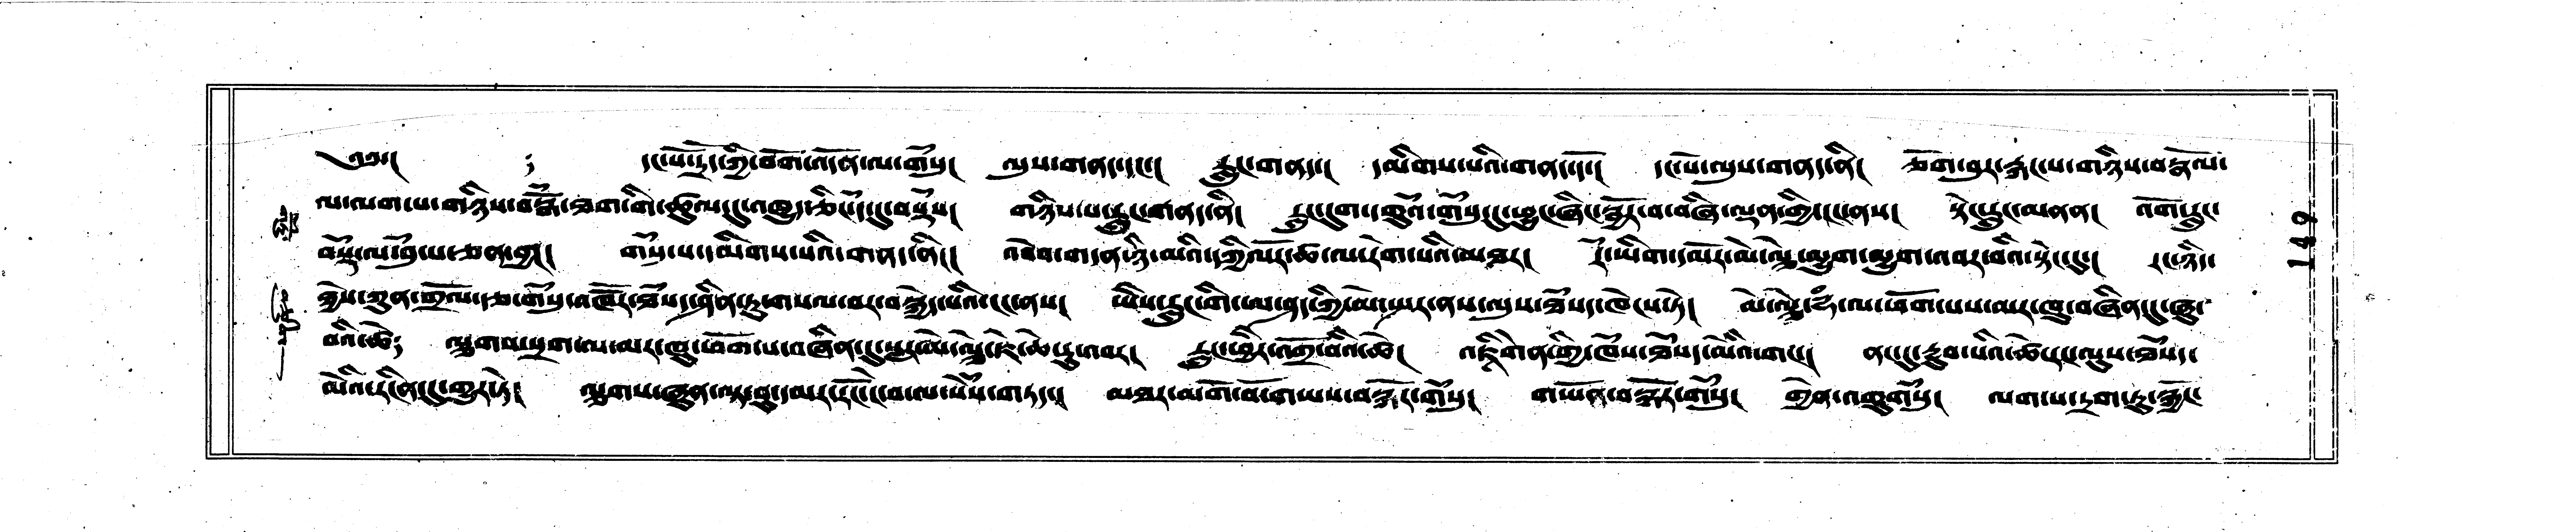དང་པོ་དྲོད་ཀྱི་བོགས་འདོན་ལ་གསུམ། ལུས་གནད་དང་། རླུང་གནད། དམིགས་པའི་གནད་དོ། །དང་པོ་ལུས་གནད་ནི། ཅོག་པུར་རྐང་པ་གཉིས་བསྣོལ་
ལ་ལག་པ་གཉིས་སྒོམ་ཐག་གི་ཚུལ་དུ་འཁྱུད་ཅིང་དམ་དུ་བསྡམས། གཉིས་པ་རླུང་གནད་ནི། རླུང་དུག་དགུ་འམ་གསུམ་དུ་ཕྱུང་ཞིང་སྦྱོར་བ་བཞི་ལྡན་གྱི་ངང་ནས། སྟེང་རླུང་མནན། འོག་རླུང་
བསྡམ་ལ་བུམ་པ་ཅན་བྱ། གསུམ་པ་དམིགས་པའི་གནད་ནི། འབོལ་གདན་ཉི་མའི་དཀྱིལ་འཁོར་ཚ་ལ་རེག་པའི་མཐར། རཾ་ཡིག་དམར་པོ་མེ་ལྕེ་མྱུག་མྱུག་འབར་བའི་སྟེང་དུ། རང་ཉིད་
ཐུགས་རྗེ་ཀུན་གྲོལ་རྩ་གསུམ་འཁོར་ལོ་ཐམས་ཅད་ཤིན་ཏུ་གསལ་བར་བསྐྱེད་པའི་ངང་ནས། ཡེ་ཤེས་རླུང་གི་ཨ་ཤད་ཀྱི་མེ་སྤར་ནས་ལུས་ཐམས་ཅད་ཁེངས་ཏེ། མེ་ལྕེ་ཧཾ་ལ་ཕོག་པས་མར་ཁུ་བཞིན་དུ་ཞུ་
བའི་ཚེ། ལྩགས་སྲེག་ལ་མར་ཁུ་ཕོག་པ་བཞིན་སླར་མེ་ལྕེ་ཇེ་ཆེ་རུ་འབར། རླུང་ཕྱིར་འགྲོ་བའི་ཚེ། འཇིག་རྟེན་གྱི་ཁམས་ཐམས་ཅད་མེ་ཡིས་གང་། ནང་དུ་རྔུབས་པའི་ཚེ་རང་ལུས་ཐམས་ཅད་
མེའི་རང་བཞིན་དུ་གྱུར་ཏེ། ལྕགས་ཞུན་ལྟ་བུ་དམར་རོང་ངེ་བ་ལ་སེམས་གཏད། མཐར་མགོ་བོ་གཡས་སྐོར་གསུམ། གཡོན་སྐོར་གསུམ། གྱེན་འགུག་གསུམ། ལག་པ་དྲག་ཏུ་རྐྱོང་